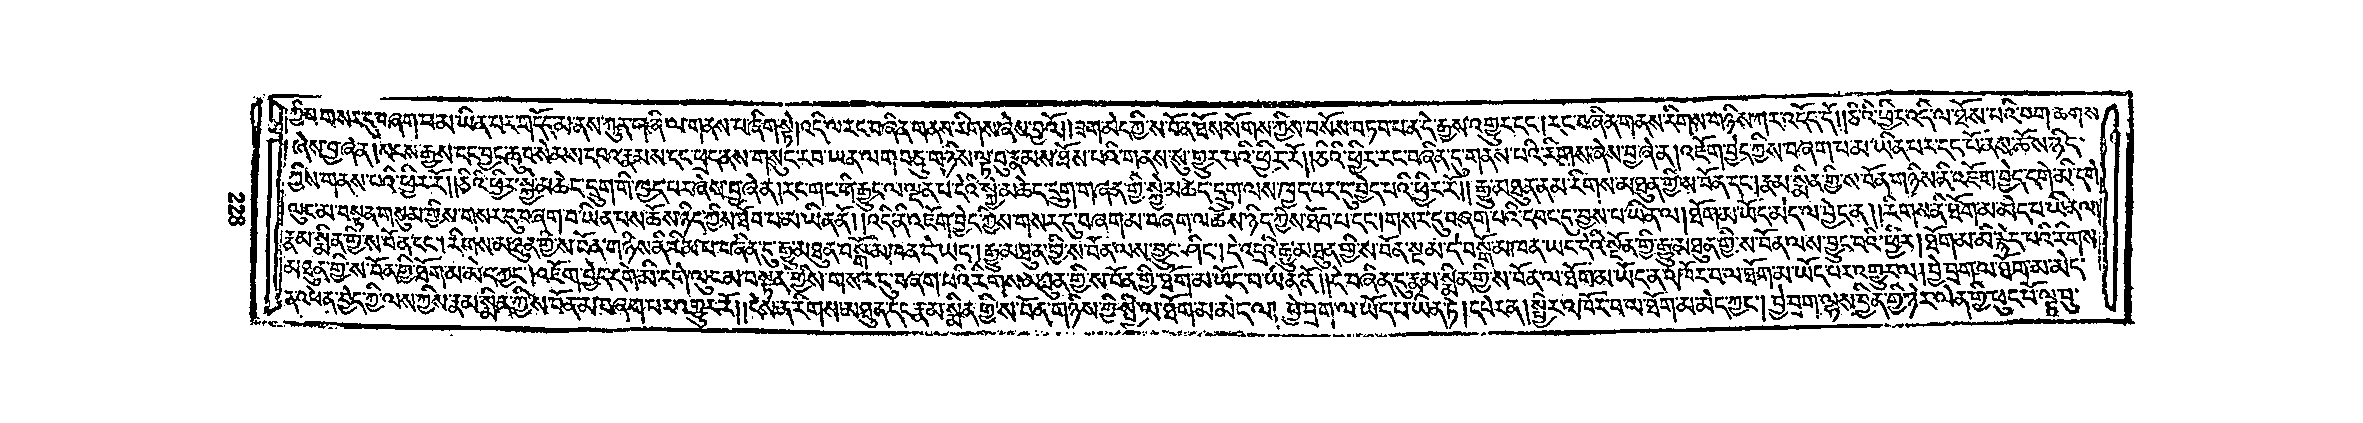ཀྱིས་གསར་དུ་བཞག་པ་མ་ཡིན་པར་གདོད་མ་ནས་ཀུན་གཞི་ལ་གནས་པ་ཞིག་སྟེ། འདི་ལ་རང་བཞིན་གནས་རིགས་ཞེས་བྱའོ། །ཟག་མེད་ཀྱི་ས་བོན་ཐོས་སོགས་ཀྱིས་བསོས་བཏབ་པ་ན་དེ་རྒྱས་འགྱུར་དང་། རང་བཞིན་གནས་རིགས་གཉིས་ཀར་འདོད་དོ། །ཅིའི་ཕྱིར་འདི་ལ་ཐོས་པའི་བག་ཆགས་
ཞེས་བྱ་ཞེ་ན། སངས་རྒྱས་དང་བྱང་ཆུབ་སེམས་དཔའ་རྣམས་དང་ཕྲད་ནས་གསུང་རབ་ཡན་ལག་བཅུ་གཉིས་ལྟ་བུ་རྣམས་ཐོས་པའི་གནས་སུ་གྱུར་པའི་ཕྱིར་རོ། །ཅིའི་ཕྱིར་རང་བཞིན་དུ་གནས་པའི་རིགས་ཞེས་བྱ་ཞེ་ན། འཇོག་བྱེད་ཀྱིས་བཞག་པ་མ་ཡིན་པར་དང་པོ་ནས་ཆོས་ཉིད་
ཀྱིས་གནས་པའི་ཕྱིར་རོ། །ཅིའི་ཕྱིར་སྐྱེད་མཆེད་དྲུག་གི་ཁྱད་པར་ཞེས་བྱ་ཞེ་ན། རང་གང་གི་རྒྱུད་ལ་ལྡན་པ་དེའི་སྐྱེ་མཆེད་དྲུག་གཞན་གྱི་སྐྱེ་མཆེད་དྲུག་ལས་ཁྱད་པར་དུ་བྱེད་པའི་ཕྱིར་རོ། །རྒྱུ་མཐུན་ནམ་རིགས་མཐུན་གྱི་ས་བོན་དང་། རྣམ་སྨིན་གྱི་ས་བོན་གཉིས་ནི་འཇོག་བྱེད་དགེ་མི་དགེ་
ལུང་མ་བསྟན་གསུམ་གྱིས་གསར་དུ་བཞག་པ་ཡིན་པས་ཆོས་ཉིད་ཀྱིས་ཐོབ་པ་མ་ཡིན་ནོ། །འདི་ནི་འཇོག་བྱེད་ཀྱིས་གསར་དུ་བཞག་མ་བཞག་ལ་ཆོས་ཉིད་ཀྱིས་ཐོབ་པ་དང་། གསར་དུ་བཞག་པའི་དབང་དུ་བྱས་པ་ཡིན་ལ། ཐོག་མ་ཡོད་མེད་ལ་བྱེད་ན། །རིགས་ནི་ཐོག་མ་མེད་པ་ཡིན་ལ།
རྣམ་སྨིན་གྱི་ས་བོན་དང་། རིགས་མཐུན་གྱི་ས་བོན་གཉིས་ནི་རིམ་པ་བཞིན་དུ་རྒྱུ་མཐུན་བསྒོ་མཁན་དེ་ཡང་། རྒྱུ་མཐུན་གྱི་ས་བོན་ལས་བྱུང་ཤེས། དེ་འདྲའི་རྒྱུ་མཐུན་གྱི་ས་བོན་སྔ་མ་དེ་བསྒོ་མཁན་ཡང་དེའི་སྔོན་གྱི་རྒྱུ་མཐུན་གྱི་ས་བོན་ལས་བྱུང་བའི་ཕྱིར། ཐོག་མ་མི་རྙེད་པའི་རིགས་
མཐུན་གྱི་ས་བོན་གྱི་ཐོགས་མ་མེད་ཀྱང་། འཇོག་བྱེད་དགེ་མི་དགེ་ལུང་མ་བསྟན་གྱིས་གསར་དུ་བཞག་པའི་རིགས་མཐུན་གྱི་ས་བོན་གྱི་ཐོག་མ་ཡོད་པ་ཡིན་ནོ། །དེ་བཞིན་དུ་རྣམ་སྨིན་གྱི་ས་བོན་ལ་ཐོག་མ་ཡོད་ན་འཁོར་བ་ལ་ཐོག་མ་ཡོད་པར་འགྱུར་ལ། བྱེ་བྲག་ལ་ཐོག་མ་མེད་
ན་འཕེན་བྱེད་ཀྱི་ལས་ཀྱིས་རྣམ་སྨིན་ཀྱི་ས་བོན་མ་བཞག་པར་འགྱུར་རོ། །ངེས་ན་རིགས་མཐུན་དང་རྣམ་སྨིན་གྱི་ས་བོན་གཉིས་ཀྱི་སྤྱི་ལ་ཐོག་མ་མེད་ལ། བྱེ་བྲག་ལ་ཡོད་པ་ཡིན་ཏེ། དཔེར་ན། སྤྱིར་འཁོར་བ་ལ་ཐོག་མ་མེད་ཀྱང་། བྱེ་བྲག་ལྷས་བྱིན་གྱི་ཉེར་ལེན་གྱི་ཕུང་པོ་ལྟ་བུ་